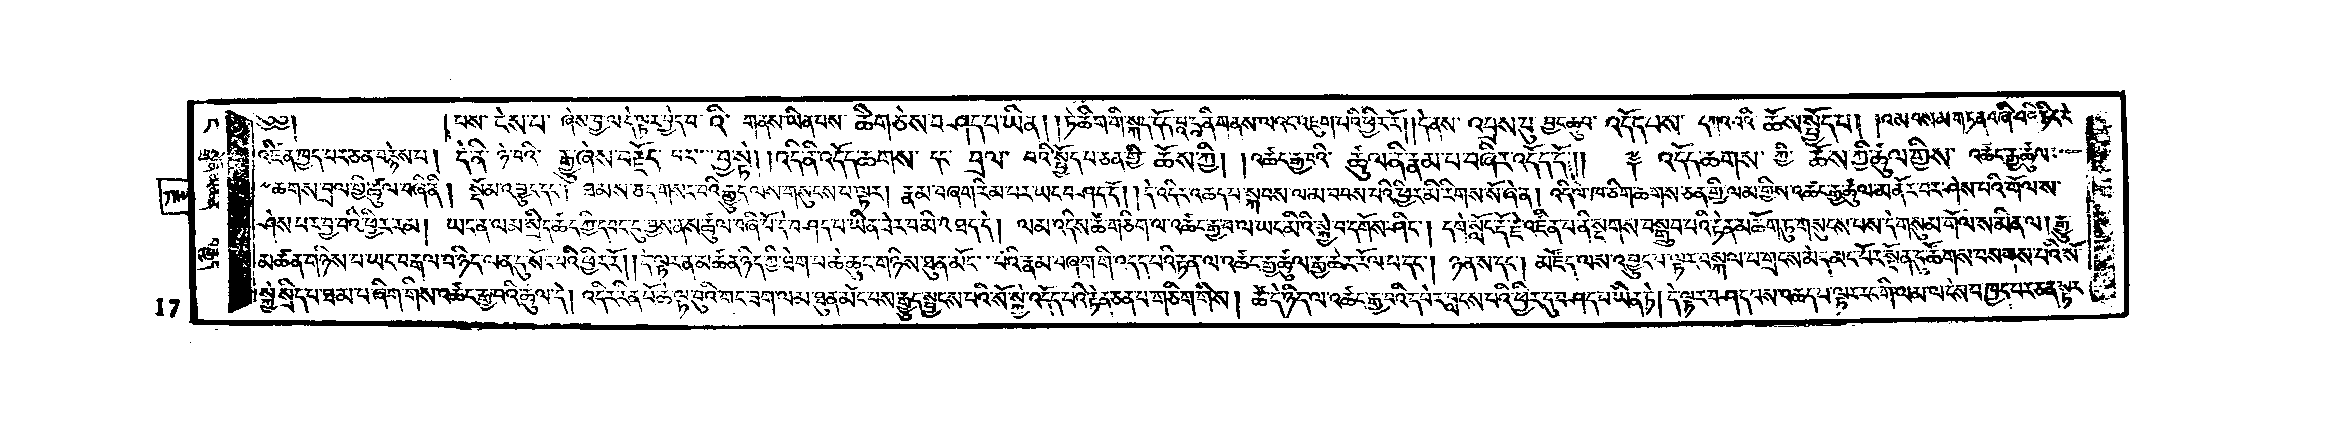༄༅། །པས་ངེས་པ་ཞེས་བྱ་ལ་དེ་ལྟར་བྱེད་པའི་གནས་ཡིན་པས་ཚིག་ཅེས་བཤད་པ་ཡིན། །ཏེ་ཚིག་གི་སྐད་དོད་པཱ་དཱ་ནི་གནས་ལའང་འཇུག་པའི་ཕྱིར་རོ། །དེ་ནས་འབྲས་བུ་བྱང་ཆུབ་འདོད་པས་དཀའ་བའི་ཆོས་སྤྱོད་པ། །འམ་བསམ་གཏན་བཞི་པའི་ཏིང་ངེ་
འཛིན་ཁྱད་པར་ཅན་བརྙེས་པ། དེ་ནི་ཉེ་བའི་རྒྱུ་ཞེས་བརྗོད་པར་བྱ་སྟེ། །འདི་ནི་འདོད་ཆགས་དང་བྲལ་བའི་སྤྱོད་པ་ཅན་གྱི་ཆོས་ཀྱི། །འཚང་རྒྱ་བའི་ཚུལ་ནི་རྣམ་པ་བཞིར་འདོད་དོ།། ༈ འདོད་ཆགས་ཀྱི་ཆོས་ཀྱི་ཚུལ་གྱིས་འཚང་རྒྱ་ཚུལ་
༧་ཆགས་བྲལ་གྱི་ཚུལ་བཞི་ནི། སྡོམ་འབྱུང་དང་། ཐམས་ཅད་གསང་བའི་རྒྱུད་ལས་གསུངས་པ་ལྟར། རྣམ་བཞག་རིམ་པར་ཡང་བཤད་དོ། །དེ་འདིར་འཆད་པ་སྐབས་ལ་མ་བབས་པའི་ཕྱིར་མི་རིགས་སོ་ཞེ་ན། འདི་ལ་ཁ་ཅིག་ཆགས་ཅན་གྱི་ལམ་གྱིས་འཚང་རྒྱ་ཚུལ་མ་ནོར་བར་ཤེས་པའི་གོལ་ས་
ཤེས་པར་བྱ་བའི་ཕྱིར་རམ། ཡང་ན་ལམ་སྲིད་ཚད་ཀྱི་དབང་དུ་བྱས་ནས་ཚུལ་བཞི་པོ་དེ་བཤད་པ་ཡིན་ཟེར་བ་མི་འཐད་དེ། ལམ་འདིས་ཚེ་གཅིག་ལ་འཚང་རྒྱ་བ་ལ་ཡང་མིའི་སྐྱེ་བ་དགོས་ཤིང་། དགེ་སློང་རྡོ་རྗེ་འཛིན་པ་ནི་སྔགས་བསྒྲུབ་པའི་རྟེན་མཆོག་ཏུ་གསུངས་པས་དེ་གསུམ་གོལ་ས་མིན་ལ། རྒྱུ་
མཚན་གཉིས་པ་ཡང་བརྒལ་བ་ཉིད་ལན་དུ་སོང་བའི་ཕྱིར་རོ། །དེ་ལྟར་ན་མཚན་ཉིད་ཀྱི་ཐེག་པ་ཆེ་ཆུང་གཉིས་ཐུན་མོང་པའི་རྣམ་བཞག་གི་འདད་པའི་རྟན་ལ་འཚང་རྒྱ་ཚུལ་རྒྱ་ཆེར་རོལ་པ་དང་། ཉན་ས་དང་། མཛོད་ལས་འབྱུང་བ་ལྟར་བསྐལ་པ་གྲངས་མེད་མང་པོར་སྔོན་དུ་ཚོགས་བསགས་པའི་སོ་
སྐྱེ་སྲིད་པ་ཐ་མ་པ་ཞིག་གིས་འཚང་རྒྱ་བའི་ཚུལ་དེ། འདིར་རིན་པོ་ཆེ་ལྟ་བུའི་གང་ཟག་ལམ་ཐུན་མོང་པས་རྒྱུད་སྦྱངས་པའི་སོ་སྐྱེ་འདོད་པའི་རྟེན་ཅན་པ་གཅིག་གིས། ཚེ་དེ་ཉིད་ལ་འཚང་རྒྱ་བའི་དཔེར་བླངས་པའི་ཕྱིར་དུ་བཤད་པ་ཡིན་ཏེ། དེ་ལྟར་བཤད་པས་འཆད་པ་ལྟར་རང་གི་ལམ་ལ་ངེས་པ་ཁྱད་པར་ཅན་སྟར་